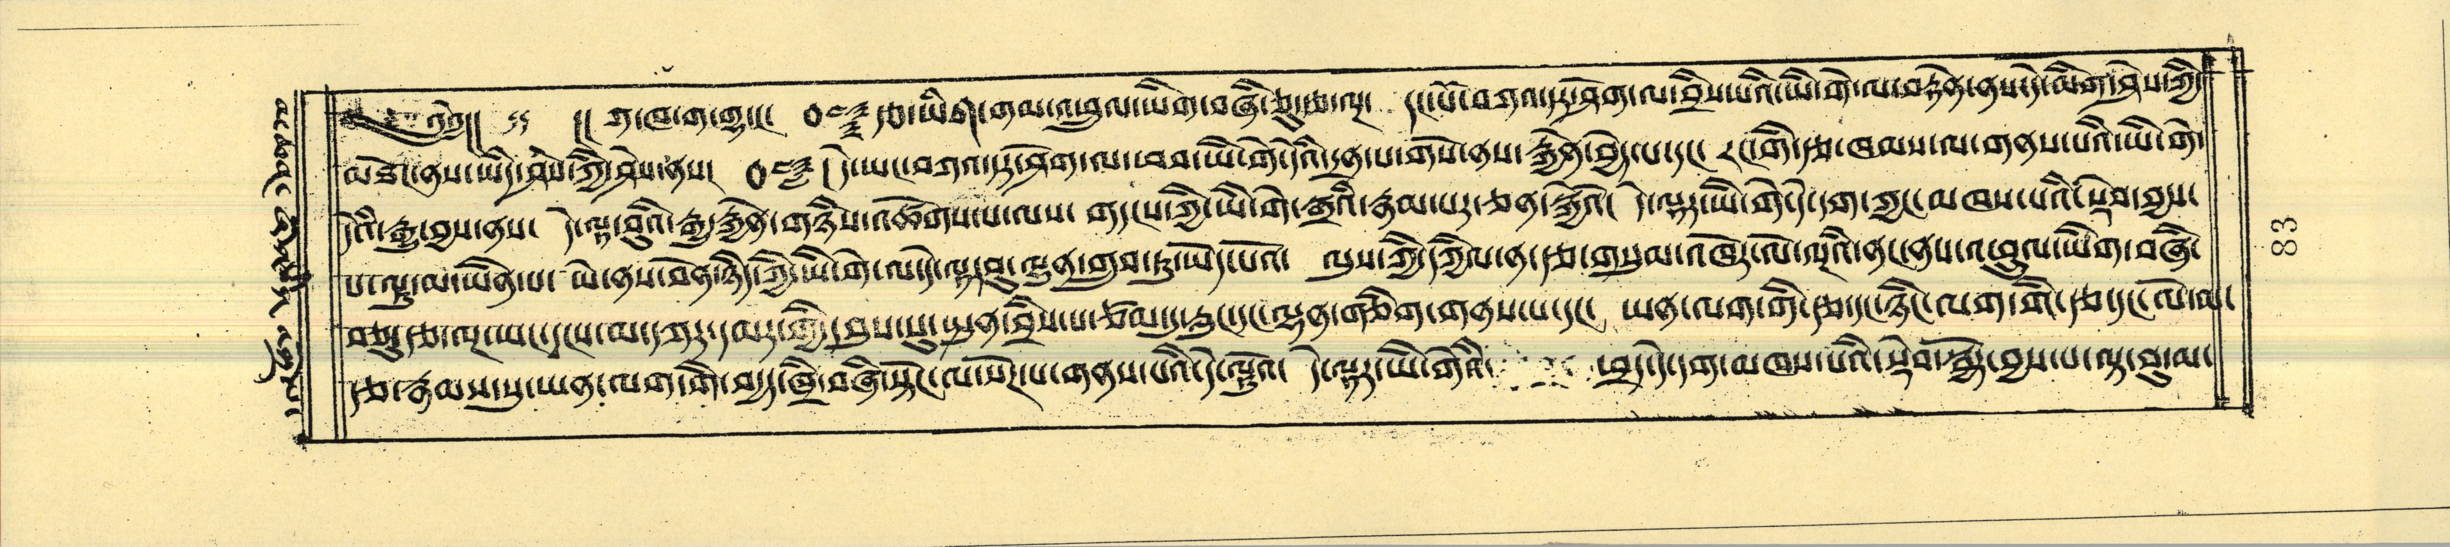ཀ་ཁ་ག་གྷ་ང་། བ༤༣།༣༼རྩ་ཡིག༽གམ་འཕྲུལ་ཡིག་བཞི་བཅུ་རྩ་ལྔ་ནི། དང་པོ་བཀའ་དར་ཤོག་ལ་བྲིས་པའི་ཡི་གེ་ལ་བརྟེན་ནས་དེ་མིག་ཤེས་ཀྱིས་
མཐོང་ནས་ཡིད་ཤེས་ཀྱིས་ཤེས་ནས། བ༤༣།༤ དེ་ཡང་བཀའ་དར་ཤོག་ལ་ཕབ་ཡི་གེ་དེའི་དྲན་པ་གསོ་ནས་རྐྱེན་བྱེད་པ་དང་། རང་གི་རྩ་ཁམས་ལ་གནས་པའི་ཡི་གེ་
དེའི་རྒྱུ་བྱས་ནས། དེ་ལྟ་བུའི་རྒྱུ་རྐྱེན་གཉིས་འཚོགས་པ་ལས། གདངས་ཀྱི་ཡི་གེ་སྒྲའི་རྣམ་པར་ཅན་སྐྱེའོ། དེ་ལྟར་ཡི་གེ་དེ་དག་ཀྱང་མཁས་པའི་སྡེབ་བྱས་
པ་ལྟ་བུ་མ་ཡིན་པ། ཡེ་ནས་བོན་ཉིད་ཀྱི་ཡི་གེ་ལ་དེ་ལྟ་བུ་ལྷུན་གྲུབ་ཏུ་ཡོད་པའོ། །ལུས་ཀྱི་དཀྱིལ་ན་རྩ་གསུམ་འཁོར་ལོ་ལྔའི་ནང་ནས་འཕྲུལ་ཡིག་བཞི་
བཅུ་རྩ་ལྔ་ཡང་དྭངས་མ་དཀར་དམར་གྱི་དབུས་སུ་སྤུན་བྲིས་པ་ཙམ་དུ་རླུང་དང་ལྷན་གཅིག་གནས་པ་དང་། ཡན་ལག་གི་རྩ་དང་ཉིང་ལག་གི་རྩ་དང་ལོ་མའི་
རྩ་རྣམས་སུ་ཡན་ལག་གི་བརྒྱད་ཁྲི་བཞི་སྟོང་ལ་སོགས་པ་གནས་པའི་དེ་ལྟ་བུའོ། དེ་ལྟར་ཡི་གེའི་ཕྲད་དེ་དག་མཁས་པའི་སྡེབ་སྦྱོར་བྱས་པ་ལྟ་བུ་མ